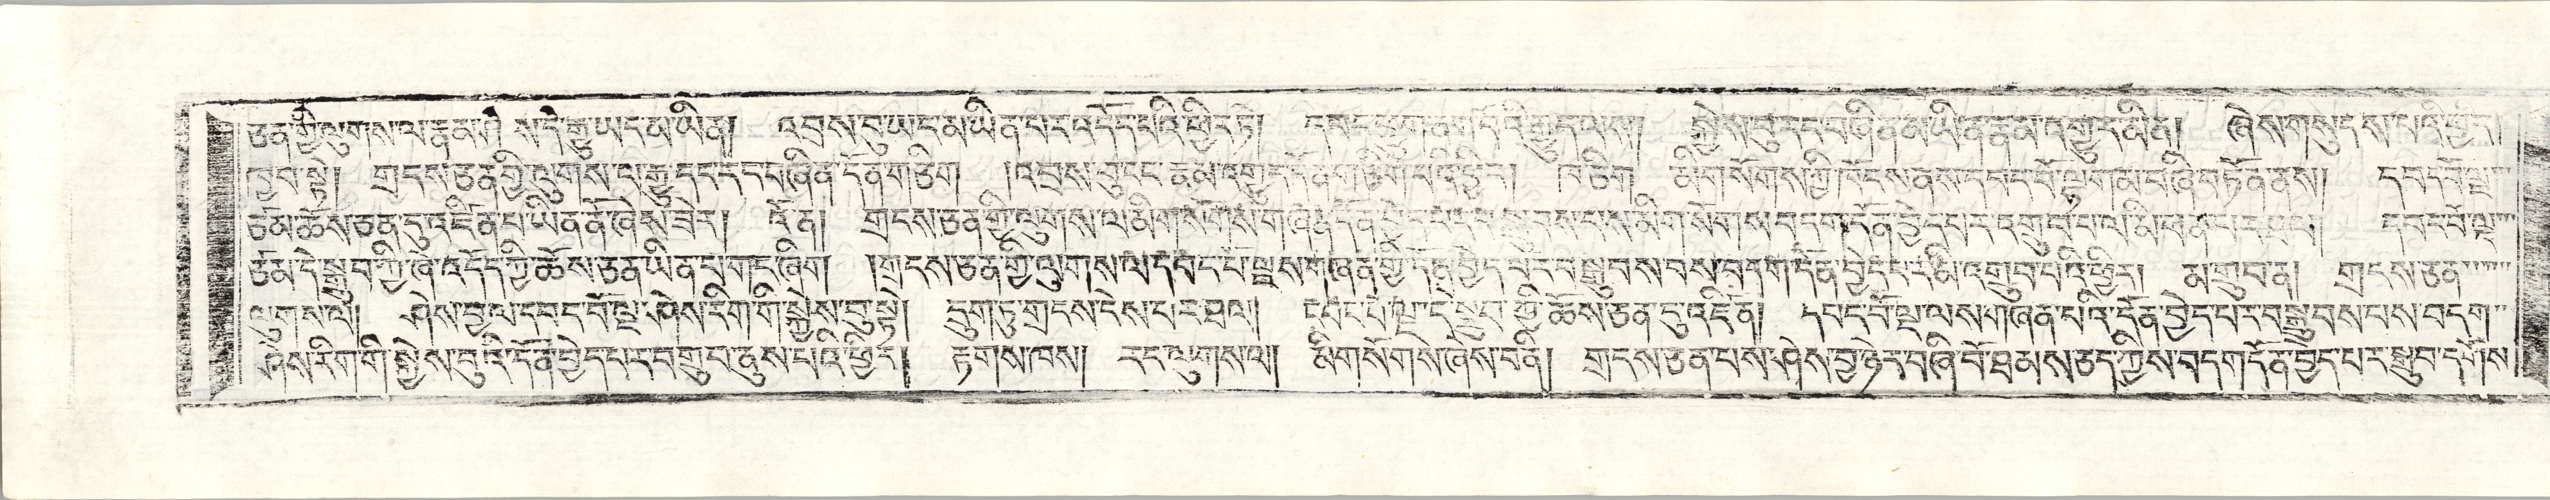ཅན་གྱི་ལུགས་ལ་རྣམ་ཤེས་དེ་རྒྱུ་ཡང་མ་ཡིན། འབྲས་བུ་ཡང་མ་ཡིན་པར་འདོད་པའི་ཕྱིར་ཏེ། དབང་ཕྱུག་ནག་པོའི་རྒྱུད་ལས། སྐྱེས་བུ་རང་བཞིན་མ་ཡིན་རྣམ་འགྱུར་མིན། ཞེས་གསུངས་པའི་ཕྱིར།
ཁྱབ་སྟེ། གྲངས་ཅན་གྱི་ལུགས་ལ་རྒྱུ་དང་རང་བཞིན་དོན་གཅིག །འབྲས་བུ་དང་རྣམ་འགྱུར་དོན་གཅིག་པའི་ཕྱིར། ཁ་ཅིག་མིག་སོགས་ཀྱི་ཁོངས་ནས་དབང་བོ་ལྷག་མ་བཞི་བཏོན་ནས། དབང་བོ་ལྔ་
ཙམ་ཆོས་ཅན་དུ་འཛིན་པ་ཡིན་ནོ་ཞེས་ཟེར། འོ་ན། གྲངས་ཅན་གྱི་ལུགས་ལ་མིག་སོགས་གཞན་དོན་བྱེད་པར་བསྒྲུབས་པས་མིག་སོགས་བདག་དོན་བྱེད་པར་འགྲུབ་པ་ལ་མི་ཕན་པར་ཐལ། དབང་བོ་ལྔ་
ཙམ་དེ་སྒྲུབ་ཀྱི་ཞེ་འདོད་ཀྱི་ཆོས་ཅན་ཡིན་པ་གང་ཞིག །གྲངས་ཅན་གྱི་ལུགས་ལ་དབང་བོ་ལྔས་གཞན་གྱི་དོན་བྱེད་པར་འྶྒྲུབས་པས་བདག་དོན་བྱེད་པར་མི་འགྲུབ་པའི་ཕྱིར། མ་གྲུབ་ན། །གྲངས་ཅན་པའི་
ལུགས་ལ། ཤེས་བྱ་ལ་དབང་བོ་ལྔ་ཤེས་རིག་གི་སྐྱེས་བུ་སྟེ། དྲུག་ཏུ་གྲངས་ངེས་པར་ཐལ། དབང་བོ་ལྔ་དེ་སྒྲུབ་ཀྱི་ཆོས་ཅན་དུ་འཛིན། དབང་བོ་ལྔ་ལས་གཞན་པའི་དོན་བྱེད་པར་བསྒྲུབས་པས་བདག་
ཤེས་རིག་གི་སྐྱེས་བུའི་དོན་བྱེད་པར་བགྲུབ་ནུས་པའི་ཕྱིར། རྟགས་ཁས། རང་ལུགས་ལ། མིག་སོགས་ཞེས་པ་ནི། གྲངས་ཅན་པས་ཤེས་བྱ་ཉེར་བཞི་བོ་ཐམས་ཅད་ཀྱིས་བདག་དོན་བྱེད་པར་སྒྲུབ་དགོས་